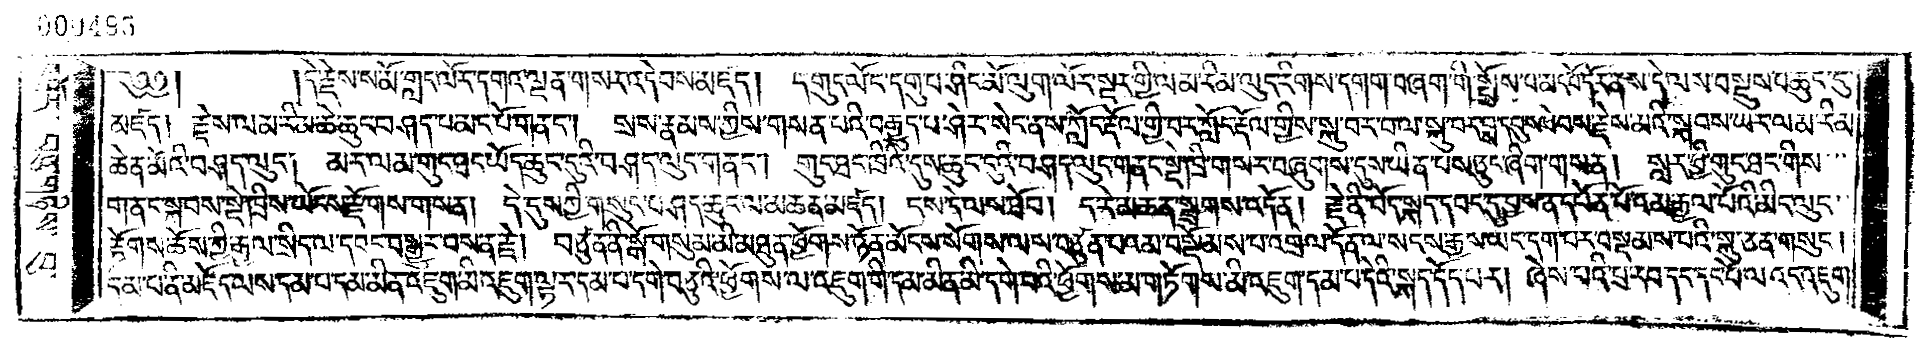༄༅། །དེ་རྗེས་ས་མོ་གླང་ལོར་དགའ་ལྡན་གསར་འདེབས་མཛད། དགུང་ལོ་ང་དགུ་པ་ཤིང་མོ་ལུག་ལོར་སྔར་གྱི་ལམ་རིམ་ལུང་རིགས་དགག་བཞག་གི་སྤྲོས་པ་མང་པོ་དོར་ནས་དེ་ལས་བསྡུས་པ་ཆུང་ངུ་
མཛད། རྗེས་ལམ་རིམ་ཆེ་ཆུང་བཤད་པ་མང་པོ་གནང་། སྲས་རྣམས་ཀྱིས་གསན་པའི་བརྒྱུད་པ་ཤེར་སེང་ནས་ཀློང་རྡོལ་གྱི་བར་ཀློང་རྡོལ་གྱིས་སྐུ་བར་བ་ལ་སྐུ་བར་བས་དབུས་ཕེབས་རྗེས་མའི་སྐབས་ཡར་ལམ་རིམ་
ཆེན་མོའི་བཤད་ལུང་། མར་ལམ་གུང་ཐང་ཡོད་ཆུང་ངུའི་བཤད་ལུང་གནང་། གུང་ཐང་ཁྲིའི་དུས་ཆུང་ངུའི་བཤད་ལུང་གནང་སྔེ་ཁྲི་གསར་བཞུགས་དུས་ཡིན་པས་ཅུང་ཞིག་གསན། སླར་ཕྱི་གུང་ཐང་གིས་
གནང་སྐབས་སྡེ་ཁྲིས་ཡོངས་རྫོགས་གསན། དེ་དུས་ཀྱི་གསུང་བཤད་ཆུང་ལ་མཆན་མཛད། ངས་དེ་ལས་ཐོབ། ད་རེ་མཆན་སྦྲགས་འདོན། རྗེ་ནི་བོད་སྐད་དབང་དུ་བྱས་ན་དཔོན་པོ་འམ་རྒྱལ་པོའི་མིང་ལུང་
རྟོགས་ཆོས་ཀྱི་རྒྱལ་སྲིད་ལ་དབང་བསྒྱུར་བས་ན་རྗེ། བཙུ་ན་ནི་སྒོ་གསུམ་མི་མཐུན་ཕྱོགས་ཉོན་མོངས་སོགས་ལས་བཙུན་པའམ་བསྡོམས་པ་འགྲེལ་དོན་ལ་སངས་རྒྱས་ཡང་དག་པར་བསྡམས་པའི་སྐུ་ཅན་གསུང་།
དམ་པ་ནི་མཛོད་ལས་དམ་པ་དམ་མིན་འཇུག་མི་འཇུག་ལྟར་དམ་པ་དགེ་བཅུའི་ཕྱོགས་ལ་འཇུག་གི་དམ་མིན་མི་དགེ་བའི་ཕྱོགས་མ་གཏོགས་མི་འཇུག་དམ་པ་དེའི་སྐད་དོད་པར། ཞེས་པའི་པྲ་རབ་དང་དང་པོ་ལའང་འཇུག་